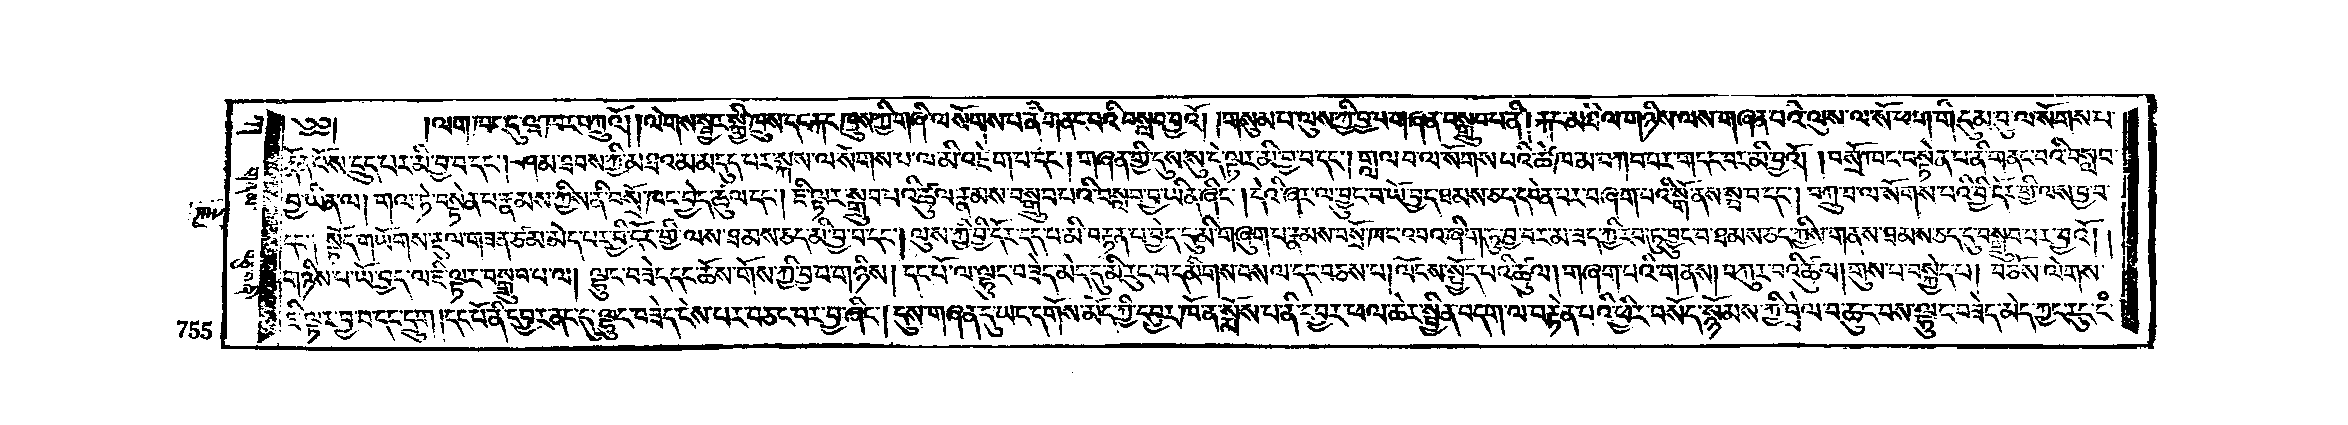༄༅། །ལག་ཁང་དུ་ཝ་ཁར་བཀྲུའོ། །ལེགས་སྦྱར་སྒྱི་ཁྲུས་དང་རྐང་ཁྲུས་ཀྱི་གཞི་ལ་སོགས་པ་ནི་གནང་བའི་བསླབ་བྱའོ། །གསུམ་པ་ལུས་ཀྱི་བྱ་བ་གཞན་བསྒྲུབ་པ་ནི། རྐང་མཐིལ་གཉིས་ལས་གཞན་པའི་ལུས་ལ་སོ་ཕག་གི་དུམ་བུ་ལ་སོགས་པ་
རྣོན་པོས་དྲུད་པར་མི་བྱ་བ་དང་། ཤམ་ཐབས་ཀྱི་མཐའ་མ་མདུད་པར་སྐས་ལ་སོགས་པ་ལ་མི་འཇེག་པ་དང་། གཞན་གྱི་དུས་སུ་དེ་ལྟར་མི་བྱ་བ་དང་། གླེལ་བ?་ལ་སོགས་པའི་ཚེ་ཁམ་བཀབ་པར་གདང་བར་མི་བྱའོ། །བསྲོ་ཁང་བསྟེན་པ་ནི་གནང་བའི་བསླབ་
བྱ་ཡིན་ལ། གལ་ཏེ་བསྟེན་པ་རྣམས་ཀྱིས་ནི་བསྲོ་ཁང་བྱེད་ཚུལ་དང་། ཇི་ལྟར་སྒྲུབ་པའི་ཚུལ་རྣམས་བསྒྲུབ་པའི་བསླབ་བྱ་ཡིན་ཞིང་། དེའི་ཞར་ལ་བྱུང་བ་ཡོ་བྱད་ཐམས་ཅད་དབེན་པར་བཞག་པའི་སྒོ་ནས་སྦ་བ་དང་། བཀྲུ་བ་ལ་སོགས་པའི་བྱི་དོར་གྱི་ལས་བྱ་བ་
དང་། སྟོད་གཡོགས་རྡུལ་གཟན་ཙམ་མེད་པར་བྱི་དོར་གྱི་ལས་ཐམས་ཅད་མི་བྱ་བ་དང་། ལུས་ཀྱི་བྱི་དོར་དད་པ་མི་བརྟན་པ་བྱེད་དུ་མི་གཞུག་པ་རྣམས་བསྲོ་ཁང་འབའ་ཞིག་ཏུ་བྱ་བར་མ་ཟད་ཀྱི་རབ་ཏུ་བྱུང་བ་ཐམས་ཅད་ཀྱིས་གནས་ཐམས་ཅད་དུ་བསྒྲུབ་པར་བྱའོ། །
གཉིས་པ་ཡོ་བྱད་ལ་ཇི་ལྟར་བསྒྲུབ་པ་ལ། ལྷུང་བཟེད་དང་ཆོས་གོས་ཀྱི་བྱ་བ་གཉིས། དང་པོ་ལ་ལྷུང་བཟེད་མེད་དུ་མི་རུང་བ་དམིགས་བསལ་དང་བཅས་པ། ལོངས་སྤྱོད་པའི་ཚུལ། གཞག་པའི་གནས། བཀུར་བའི་ཚུལ། གུས་པ་བསྐྱེད་པ། བཅོས་ལེགས་
ཇི་ལྟར་བྱ་བ་དང་དྲུག །དང་པོ་ནི་དབྱར་ནང་དུ་ལྷུང་བཟེད་ངེས་པར་བཅང་བར་བྱ་ཞིང་། དུས་གཞན་དུ་ཡང་དགོས་མོད་ཀྱི་དབྱར་ཁོ་ན་སྨོས་པ་ནི་དབྱར་ཕལ་ཆེར་སྦྱིན་བདག་ལ་བརྟེན་པའི་ཕྱིར་བསོད་སྙོམས་ཀྱི་བྲེལ་བ་ཆུང་བས་ལྷུང་བཟེད་མེད་ཀྱང་རུང་ངམ་